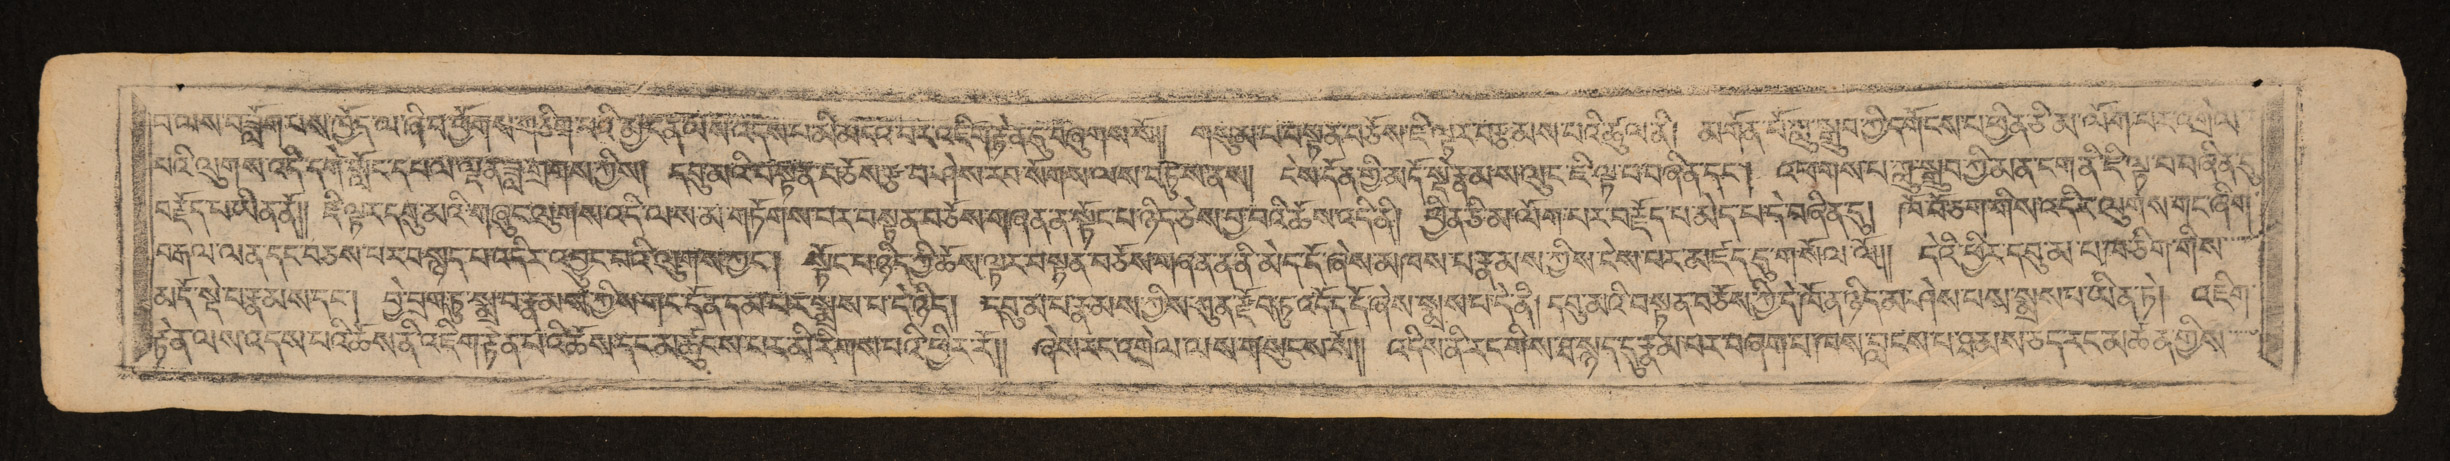བ་ལས་བཟློག་པས་ཁྱོད་ལ་ཞི་བ་ཕྱོགས་གཅིག་པའི་མྱ་ངན་ལས་འདས་པ་མི་མངའ་བར་འཇིག་རྟེན་དུ་བཞུགས་སོ།། གསུམ་པ་བསྟན་བཅོས་ཇི་ལྟར་བརྩམས་པའི་ཚུལ་ནི། མགོན་པོ་ཀླུ་སྒྲུབ་ཀྱི་དགོངས་པ་ཕྱིན་ཅི་མ་ལོག་པར་འགྲེལ་
པའི་ལུགས་འདི་དགེ་སློང་དཔལ་ལྡན་ཟླ་གྲགས་ཀྱིས། དབུ་མའི་བསྟན་བཅོས་རྩ་བ་ཤེས་རབ་སོགས་ལས་བཏུས་ནས། ངེས་དོན་གྱི་མདོ་སྡེ་རྣམས་ལུང་ཇི་ལྟ་བ་བཞིན་དང་། འཕགས་པ་ཀླུ་སྒྲུབ་ཀྱི་མན་ངག་ནི་ཇི་ལྟ་བ་བཞིན་དུ་
བརྗོད་པ་ཡིན་ནོ།། ཇི་ལྟར་དབུ་མའི་གཞུང་ལུགས་འདི་ལས་མ་གཏོགས་པར་བསྟན་བཅོས་གཞན་ན་སྟོང་པ་ཉིད་ཅེས་བྱ་བའི་ཆོས་འདི་ནི། ཕྱིན་ཅི་མ་ལོག་པར་བརྗོད་པ་མེད་པ་དེ་བཞིན་དུ། ཁོ་བོ་ཅག་གིས་འདིར་ལུགས་གང་ཞིག་
བརྒལ་ལན་དང་བཅས་པར་བསྙད་པ་འདིར་འབྱུང་བའི་ལུགས་ཀྱང་། སྟོང་པ་ཉིད་ཀྱི་ཆོས་ལྟར་བསྟན་བཅོས་གཞན་ན་ནི་མེད་དོ་ཞེས་མཁས་པ་རྣམས་ཀྱིས་ངེས་པར་མཛད་དུ་གསོལ་ལོ།། དེའི་ཕྱིར་དབུ་མ་པ་ཁ་ཅིག་གིས་
མདོ་སྡེ་པ་རྣམས་དང་། བྱེ་བྲག་ཏུ་སྨྲ་བ་རྣམས་ཀྱིས་གང་དོན་དམ་པར་སྨྲས་པ་དེ་ཉིད། དབུ་མ་པ་རྣམས་ཀྱིས་ཀུན་རྫོབ་ཏུ་འདོད་དོ་ཞེས་སྨྲས་པ་དེ་ནི། དབུ་མའི་བསྟན་བཅོས་ཀྱི་དེ་ཁོ་ན་ཉིད་མ་ཤེས་པས་སྨྲས་པ་ཡིན་ཏེ། འཇིག་
རྟེན་ལས་འདས་པའི་ཆོས་ནི་འཇིག་རྟེན་པའི་ཆོས་དང་མཚུངས་པར་མི་རིགས་པའི་ཕྱིར་རོ།། ཞེས་རང་འགྲེལ་ལས་གསུངས་སོ།། འདིས་ནི་རང་གིས་ཐ་སྙད་དུ་རྣམ་པར་བཞག་པ་ཁས་བླངས་པ་ཐམས་ཅད་རང་མཚན་གྱིས་